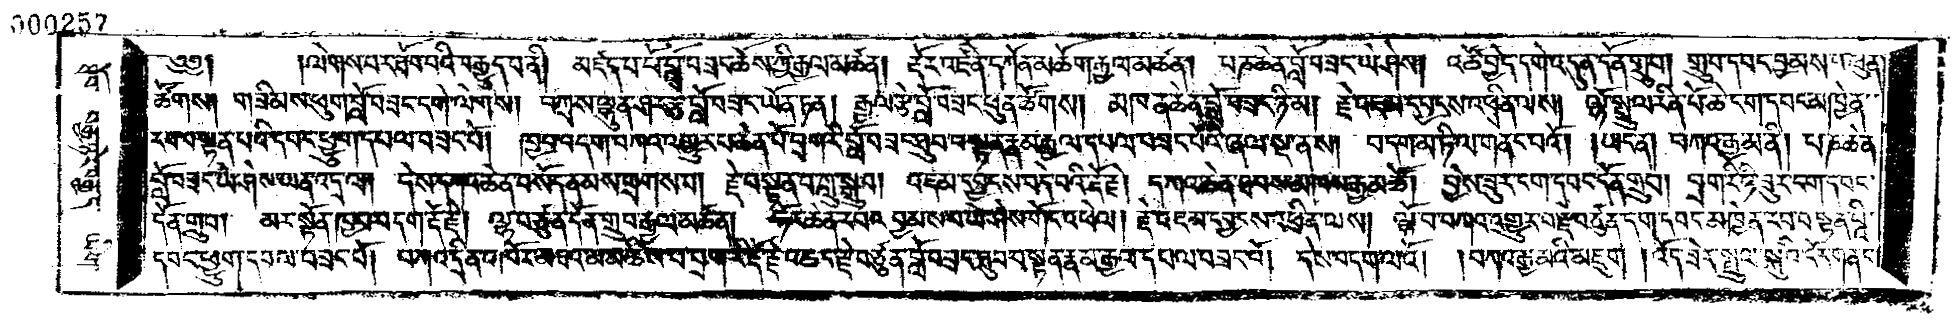༄༅། །ལེགས་པར་ཐོབ་པའི་བརྒྱུད་པ་ནི། མཛད་པ་པོ་བློ་བཟང་ཆོས་ཀྱི་རྒྱལ་མཚན། རྡོར་འཛིན་དཀོན་མཆོག་རྒྱལ་མཚན། པཎ་ཆེན་བློ་བཟང་ཡེ་ཤེས། འཚོ་བྱེད་དགེ་འདུན་དོན་གྲུབ། གྲུབ་དབང་བྱམས་པ་ཕུན་
ཚོགས། གཟིམས་ཕུག་བློ་བཟང་དགེ་ལེགས། བཀྲས་ལྷུན་ཤར་རྩེ་བློ་བཟང་ཡོན་ཏན། རྒྱལ་རྩེ་བློ་བཟང་ཕུན་ཚོགས། མཁན་ཆེན་བློ་བཟང་ཉི་མ། རྗེ་འཇམ་དབྱངས་འཕྲིན་ལས། ལྷོ་སྤྲུལ་རིན་པོ་ཆེ་ངག་དབང་མཁྱེན་
རབ་བསྟན་པའི་དབང་ཕྱུག་དཔལ་བཟང་པོ། ཁྱབ་བདག་བཀའ་འགྱུར་པ་ཆེན་པོ་བྲག་རི་བློ་བཟང་ཐུབ་བསྟན་རྣམ་རྒྱལ་དཔལ་བཟང་པོའི་ཞལ་སྔ་ནས། བདག་མ་ཏི་ལ་གནང་བའོ། །ཡང་ན། བཀའ་རྒྱ་མ་ནི། པཎ་ཆེན་
བློ་བཟང་ཡེ་ཤེས་ཡན་འདྲ་ལ། དེས་དཀའ་ཆེན་བསོད་ནམས་གྲགས་པ། རྗེ་བསྟན་པ་ཀླུ་སྒྲུབ། འཇམ་དབྱངས་བདེ་བའི་རྡོ་རྗེ། དཀའ་ཆེན་ཐབས་མཁས་རྒྱ་མཚོ། བྱེས་ཟུར་ངག་དབང་དོན་གྲུབ། བྲག་རི་ཉི་ཟུར་ངག་དབང་
དོན་གྲུབ། མར་སྟོན་ཁྱབ་བདག་རྡོ་རྗེ། ལྷ་བཙུན་དོན་གྲུབ་རྒྱལ་མཚན། ཧོར་ཆེན་རབ་འབྱམས་པ་ཡེ་ཤེས་གོང་འཕེལ། རྗེ་འཇམ་དབྱངས་འཕྲིན་ལས། ལྷོ་བ་བཀའ་འགྱུར་བ་རྗེ་བཙུན་ངག་དབང་མཁྱེན་རབ་བསྟན་པཱི་
དབང་ཕྱུག་དཔལ་བཟང་པོ། བཀའ་དྲིན་འཁོར་མཐའ་མ་མཆིས་པ་བྲག་རི་རྡོ་རྗེ་འཆང་རྗེ་བཙུན་བློ་བཟང་ཐུབ་བསྟན་རྣམ་རྒྱལ་དཔལ་བཟང་པོ། དེས་བདག་ལའོ། །བཀའ་རྒྱ་མའི་མཇུག །འོད་ཟེར་སྤྲུལ་སྐུའི་དོར་གནང་